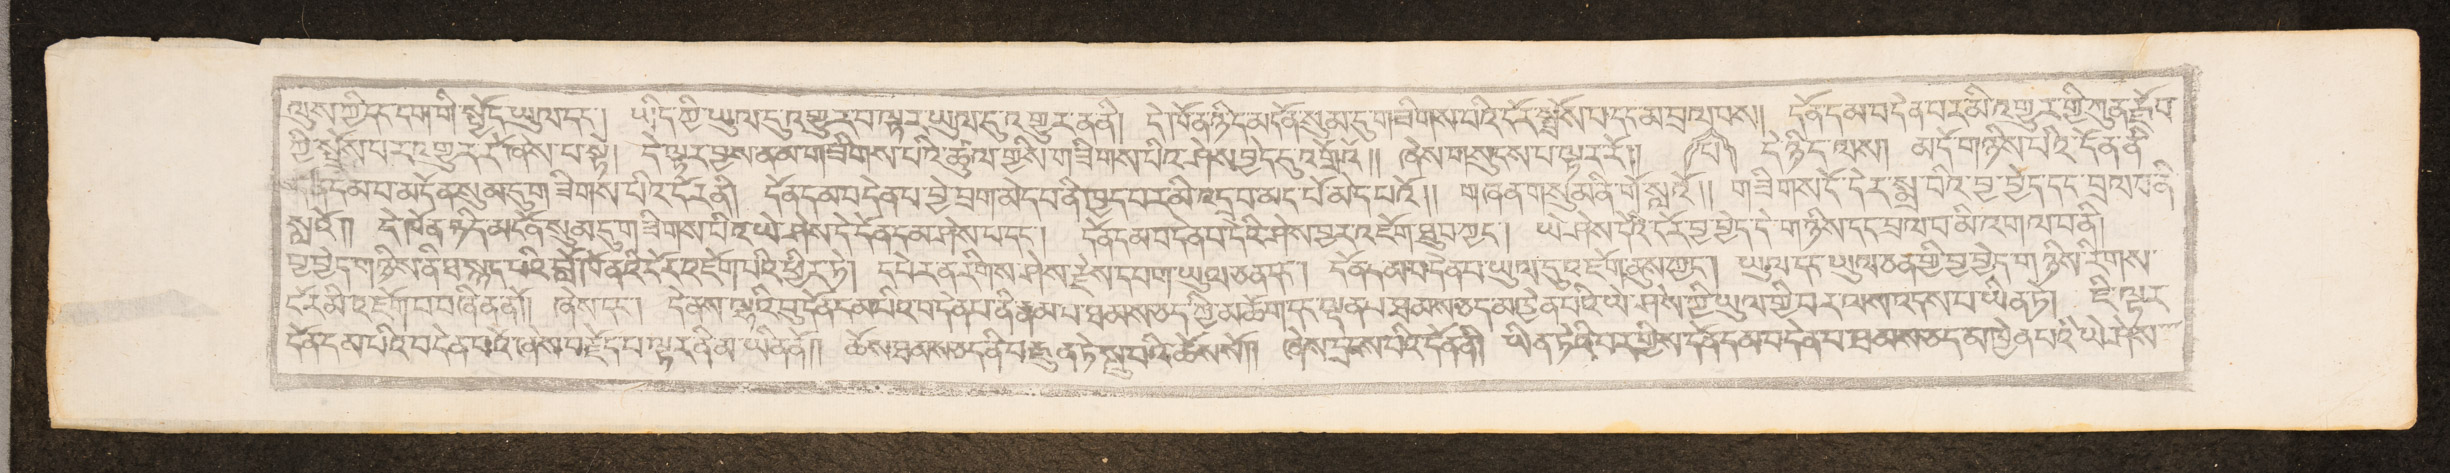ལུས་ཀྱི་དང་དག་གི་སྤྱོད་ཡུལ་དང་། ཡིད་ཀྱི་ཡུལ་དུ་འགྱུར་བ་ལྟར་ཡུལ་དུ་འགྱུར་ན་ནི། དེ་ཁོ་ན་ཉིད་མངོན་སུམ་དུ་གཟིགས་པའི་དོར་སྤྲོས་པ་དང་མ་བྲལ་བས། དོན་དམ་བདེན་པར་མི་འགྱུར་གྱི་ཀུན་རྫོབ་
ཀྱི་སྤྲོས་པར་འགྱུར་རོ་ཞེས་པ་སྟེ། དེ་ལྟར་བྱས་ནམ་གཟིགས་པའི་ཚུལ་གྱིས་གཟིགས་པའི་ཤེས་བྱེད་དུ་འགྲོའོ། །ཞེས་གསུངས་པ་ལྟར་རོ།། ༼༽པ༼༽ དེ་ཉིད་ལས། མདོ་གཉིས་པའི་དོན་ནི་
དོན་དམ་པ་མངོན་སུམ་དུ་གཟིགས་པའི་དོར་ནི། དོན་དམ་བདེན་པ་བྱེ་བྲག་མེད་པ་ནི་ཁྱད་པར་མི་འདྲ་བ་མང་པོ་མེད་པའོ།། གཞན་གསུམ་ནི་གྲོ་སླའོ། །གཟིགས་དོ་དེར་སྨྲ་བའི་བྱ་བྱེད་དང་བྲལ་བ་ནི་
སླའོ། །དེ་ཁོ་ན་ཉིད་མངོན་སུམ་དུ་གཟིགས་པའི་ཡེ་ཤེས་དེ་དོན་དམ་ཤེས་པ་དང་། དོན་དམ་བདེན་པ་དེའི་ཤེས་བྱར་འཇོག་ཐུབ་ཀྱང་། ཡེ་ཤེས་དེའི་དོར་བྱ་བྱེད་དེ་གཉིས་དང་བྲལ་བ་མི་འགལ་བ་ནི། །
བྱ་བྱེད་གཉིས་ནི་ཐ་སྙད་པའི་བློ་ཁོ་ནའི་ངོར་འཇོག་པའི་བྱ་བྱེད་གཉིས་ནི་ཐ་སྙད་པའི་བློ་ཁོ་ནའི་ངོར་འཇོག་པའི་བདེན་པ་ཡུལ་དུ་འཇོག་ནུས་ཀྱང་། ཡུལ་དང་ཡུལ་ཅན་གྱི་བྱ་བྱེད་གཉིས་རིགས་
ངོར་མི་འཇོག་པ་བཞིན་ནོ། །ཞེས་དང་། དེ་ནས་ལྷའི་བུ་དོན་དམ་པའི་བདེན་པ་ནི་རྣམ་པ་ཐམས་ཅད་ཀྱི་མཆོག་དང་ལྡན་པ་ཐམས་ཅད་མཁྱེན་པའི་ཡེ་ཤེས་ཀྱི་ཡུལ་གྱི་བར་ལས་འདས་པ་ཡིན་ཏེ། ཇི་ལྟར་
དོན་དམ་པའི་བདེན་པའོ་ཞེས་བརྗོད་པ་ལྟར་ནི་མ་ཡིན་ནོ།། ཆོས་ཐམས་ཅད་ནི་བརྫུན་ཏེ་སླུ་བའི་ཆོས་སོ།། ཞེས་དྲངས་པའི་དོན་ནི། ཡིན་ཏེའི་བར་གྱིས་དོན་དམ་བདེན་པ་ཐམས་ཅད་མཁྱེན་པའི་ཡེ་ཤེས་